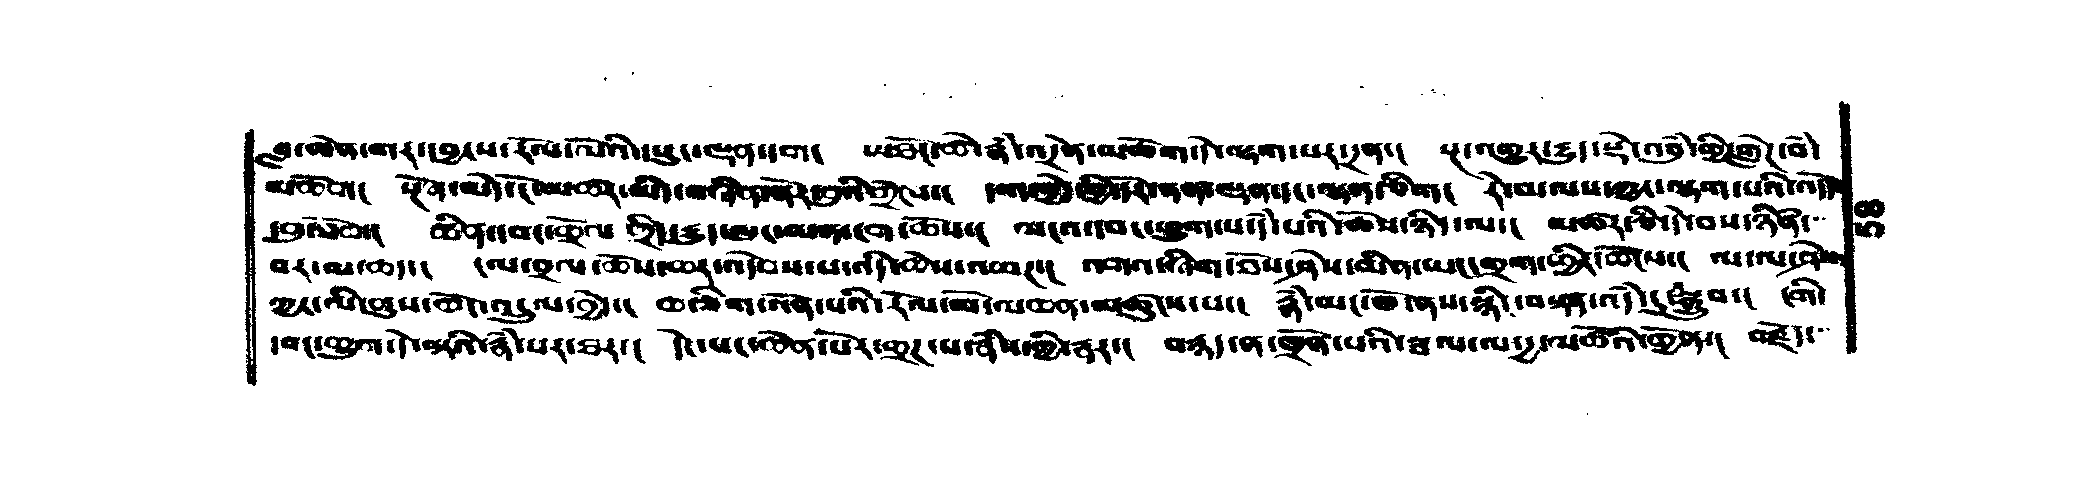།བླ་ཆེན་གར་དབྱངས་རོལ་མོའི་དཔུང་ལྡན་དག མཐོང་ཚེ་རྣམ་འདྲེན་མཆོག་དེ་ལྷག་པར་དྲན། །སྔ་འགྱུར་རྒྱུད་སྡེ་འབུམ་གྱི་གླེགས་བམ་
མཆོག སྔོན་མེད་ངོ་མཚར་ཡིད་བཞིན་ནོར་བུའི་ཕྲེང་། །དག་བྱེད་བྱི་དོར་ནན་ཏན་དང་ལྷན་ཅིག །རེ་བ་ལས་ཀྱང་ལྷག་པའི་འདོད་
དགུ་ཐོབ། །སྨིན་དབང་གྲོལ་ཁྲིད་རྒྱུད་ལུང་མན་ངག་ཆོས། །མངའ་དབང་ཕྱུག་པ་དམ་པའི་ཆོས་ཉིད་ལ། །མཚར་ཅི་དེ་བས་ཉིན་ཚན་
བར་མ་ཆད། །ངལ་བྲལ་ཆོས་ཆར་འབེབས་པ་འདི་ཆེས་འཕགས། །འགའ་ཞིག་ཐོས་ཤེས་མིན་ཡང་གྲགས་ཕྱིར་ཚོང་། །ལ་ལ་ཤེས་
ཀྱང་མི་ནུས་ཁོང་འདྲུལ་བྱེད། །ཁ་ཅིག་འོན་པའི་རོལ་མོ་མཁན་མཚུངས་པ། །རྣམ་མང་ཁོ་ནས་སྙིང་བསྟན་འདམ་དུ་བསྒྲུབ། །ངག་གི་
དབང་ཕྱུག་དེ་ལྟའི་རྣམ་པར་ཐར། །དེང་སང་ཆེན་པོར་གྲགས་པ་རྣམས་ཀྱི་རྣར། །བརྙད་ན་ཁྲོན་པའི་སྦལ་ལ་རྒྱ་མཚོའི་ཁྱོན། །བརྗོད་